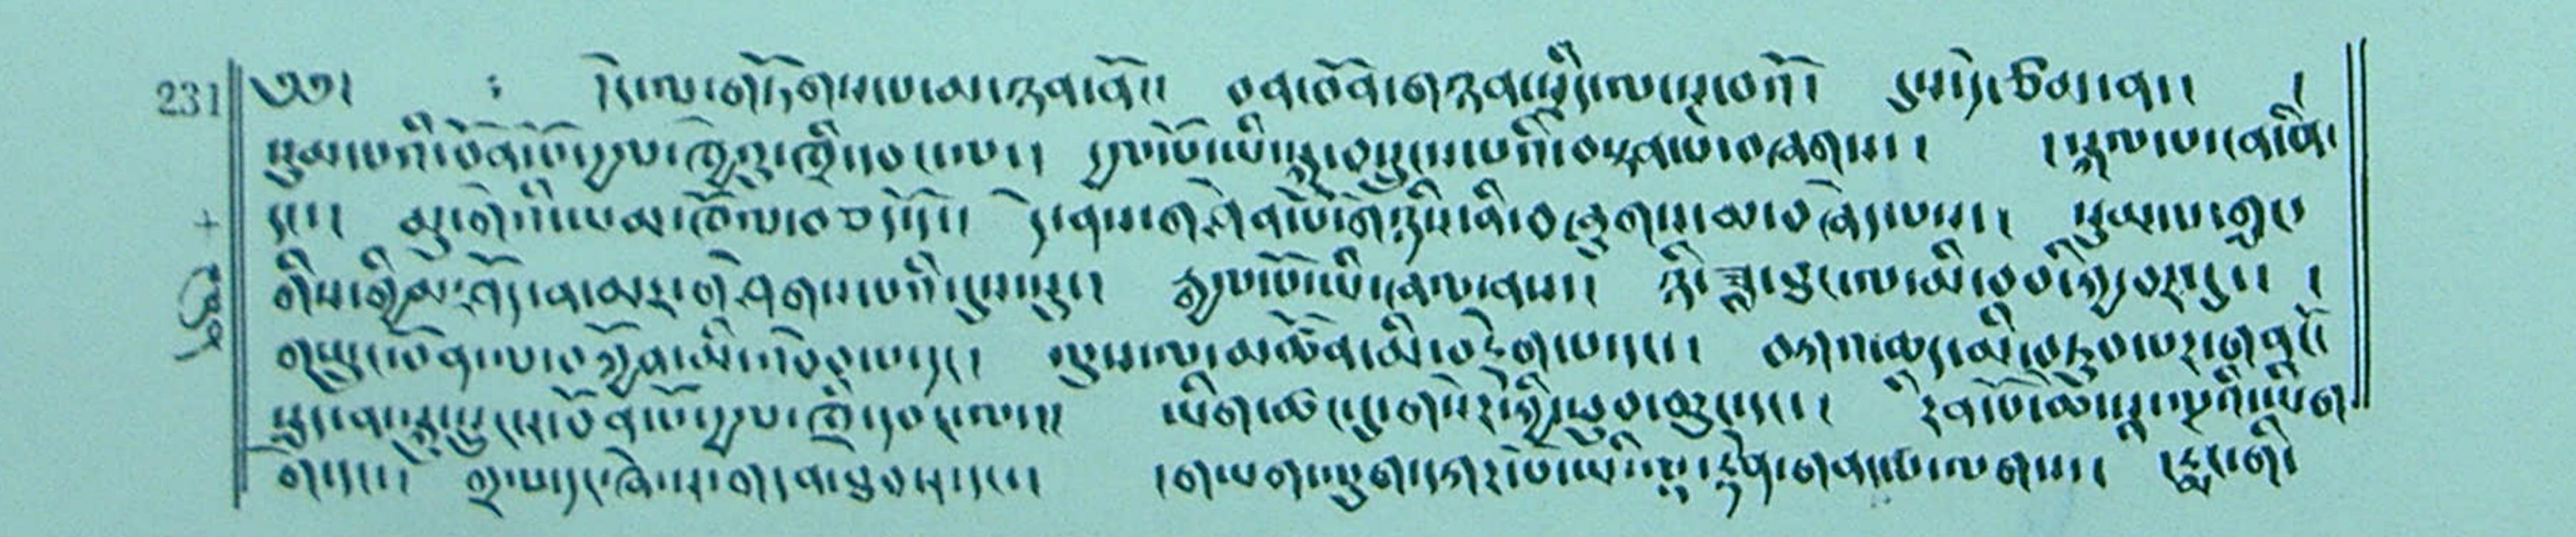༄༅། །དེ་ལ་གཏོགས་པ་མ་ཉན་ནོ། བན་བོན་གཉན་སྲིད་ལ་སྔ་བའོ། །དུས་དེ་ཙམ་ན།
 སུམ་པའི་བོན་པོ་རྒྱལ་ཁྱེའུ་ཁྲི་དབང་ལ། རྒྱལ་བོ་ཡི་སྐུ་བསྲུངས་པའི་བསྟན་པ་གཞག བསྐལ་བ་ངན་ནི་
དང་། མུ་གེའི་ཡམ་ཁོལ་བཅད་དོ། །དེ་ནས་གཤེན་པོ་གཉིས་ནི་བཞུགས་མ་བཞེད་པར། སུམ་པ་གླང་
གི་གྱིམ་ཤོད་ན་མར་གཤེགས་པའི་དུས་སུ། རྒྱལ་པོ་ཞལ་ནས། ཉི་ཟླ་ཐང་ལ་མ་བབ་ཀྱི་བར་དུ། 
གཡུང་དྲུང་བོན་ལ་བཀྱོན་མི་འབེབས་པ་དང་། ལུས་ལ་མཚོན་མི་བརྡེགས་པ་དང་། བཀའ་ཆད་མི་བཏུབ་པར་གནང་ངོ་། །
སླད་ན་སྐུ་བསྲུངས་བོན་པོ་རྒྱལ་ཁྲི་དབང་ལ། ཡིག་ཚང་དུ་གསེར་གྱི་ཕུབ་ཆུང་དང་། རིན་པོ་ཆེ་སྣ་ལྔའི་ཡི་
གེ་དང་། གྲལ་དང་ཞེ་ས་གདན་ཐབས་དང་། གཡག་ལུག་དཀར་པོ་ཡི་ལྷ་རྟེན་གནང་བ་ལགས། རྨང་གི་